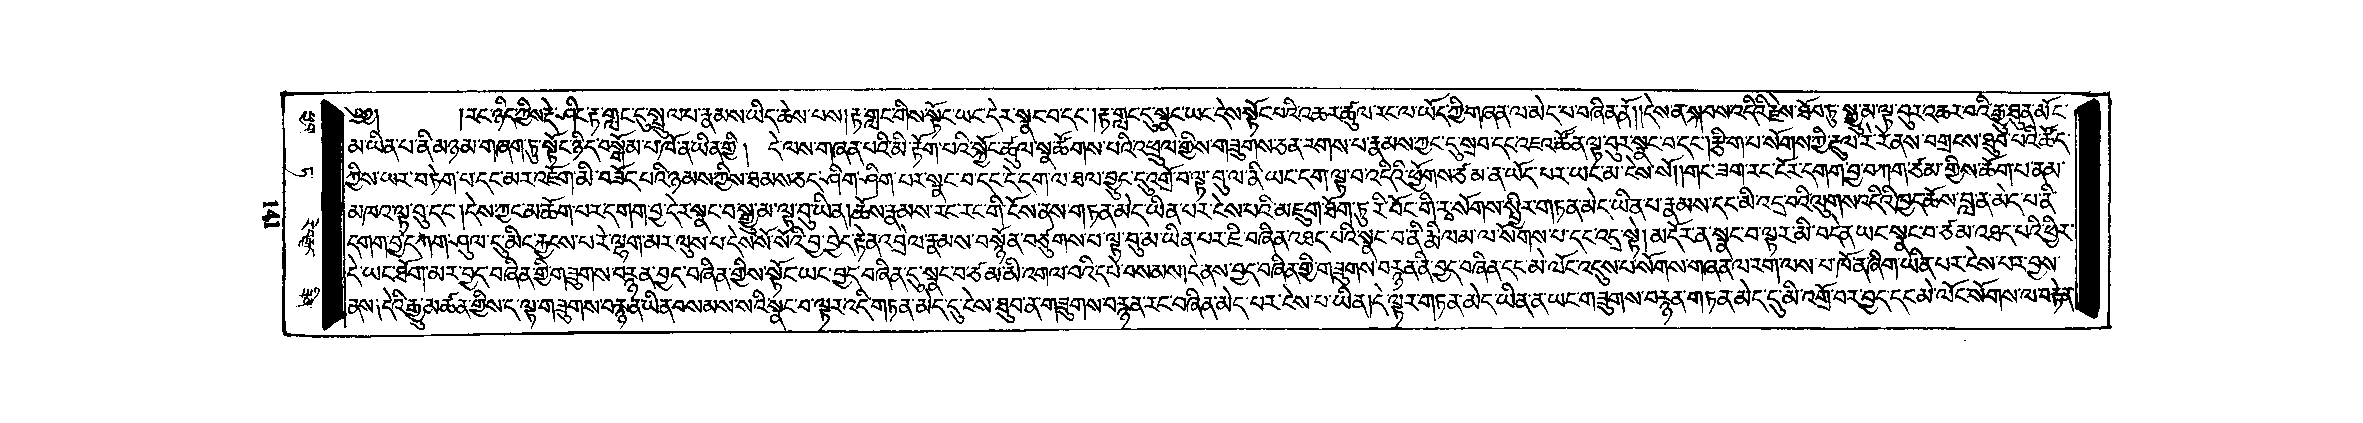༄༅། །རང་ཉིད་ཀྱིས་རྡེ་ཤིང་རྟ་གླང་དུ་སྤྲུལ་པ་རྣམས་ཡིད་ཆེས་པས། རྟ་གླང་གིས་སྟོང་ཡང་དེར་སྣང་བ་དང་། རྟ་གླང་དུ་སྣང་ཡང་དེས་སྟོང་པའི་འཆར་ཚུལ་རང་ལ་ཡོད་ཀྱི་གཞན་ལ་མེད་པ་བཞིན་ནོ། །དེས་ན་སྐབས་འདིའི་རྗེས་ཐོབ་ཏུ་སྒྱུ་མ་ལྟ་བུར་འཆར་བའི་རྒྱུ་ཐུན་མོང་
མ་ཡིན་པ་ནི་མཉམ་གཞག་ཏུ་སྟོང་ཉིད་བསྒོམ་པ་ཁོ་ན་ཡིན་གྱི། དེ་ལས་གཞན་པའི་མི་རྟོག་པའི་སྐྱོང་ཚུལ་སྣ་ཚོགས་པའི་འཕྲུལ་གྱིས་གཟུགས་ཅན་རགས་པ་རྣམས་ཀྱང་དུ་སྲབ་དང་འཇའ་ཚོན་ལྟ་བུར་སྣང་བ་དང་། རྩིག་པ་སོགས་ཀྱི་རྡུལ་རེ་རེ་ནས་བགྲངས་ཐུབ་པའི་ཚོད་
ཀྱིས་ཡར་བཏེག་པ་དང་མར་འཇོག་མི་བཟོད་པའི་ཉམས་ཀྱིས་ཐམས་ཅད་ཤིག་ཤིག་པར་སྣང་བ་དང་དེ་དག་ལ་ཐལ་བྱུང་དུ་འགྲོ་བ་ལྟ་བུ་ལ་ནི་ཡང་དག་ལྟ་བ་འདིའི་ཕྱོགས་ཙམ་ན་ཡོད་པར་ཡང་མ་ངེས་སོ། །གང་ཟག་རང་ངོར་དགག་བྱ་བཀག་ཙམ་གྱིས་ཆོག་པ་ནམ་
མཁའ་ལྟ་བུ་དང་། དེས་ཀྱང་མ་ཆོག་པར་དགག་བྱ་དེར་སྣང་བ་སྒྱུ་མ་ལྟ་བུ་ཡིན། ཆོས་རྣམས་རང་རང་གི་ངོས་ནས་གཏན་མེད་ཡིན་པར་ངེས་པའི་མཇུག་ཐོག་ཏུ་རི་བོང་གི་རྭ་སོགས་སྤྱིར་གཏན་མེད་ཡིན་པ་རྣམས་དང་མི་འདྲ་བའི་ལུགས་འདིའི་ཁྱད་ཆོས་བླ་ན་མེད་པ་ནི་
དགག་བྱ་དཀག་ཤུལ་དུ་མིང་རྐྱངས་པ་རེ་ལྷག་མར་ལུས་པ་དེས་སོ་སོའི་བྱ་བྱེད་རྟེན་འབྲེལ་རྣམས་བསྙོན་བཙུགས་པ་ལྟ་བུ་མ་ཡིན་པར་ཇི་བཞིན་འཐད་པའི་སྣང་བ་ནི་རྨི་ལམ་ལ་སོགས་པ་དང་འདྲ་སྟེ། མདོར་ན་སྣང་བ་ལྟར་མི་བདེན་ཡང་སྣང་བ་ཙམ་འཐད་པའི་ཕྱིར་
དེ་ཡང་ཐོག་མར་བྱད་བཞིན་གྱི་གཟུགས་བརྙན་བྱད་བཞིན་གྱིས་སྟོང་ཡང་བྱད་བཞིན་དུ་སྣང་བ་ཙམ་མི་འགལ་བའི་དཔེ་བསམས། དེ་ནས་བྱད་བཞིན་གྱི་གཟུགས་བརྙན་ནི་བྱད་བཞིན་དང་མེ་ལོང་འདུས་པ་སོགས་གཞན་ལ་རག་ལས་པ་ཁོ་ན་ཞིག་ཡིན་པར་ངེས་པར་བྱས་
ནས། དེའི་རྒྱུ་མཚན་གྱིས་ད་ལྟ་གཟུགས་བརྙན་ཡིན་བསམས་སའི་སྣང་བ་ལྟར་འདི་གཏན་མེད་དུ་ངེས་ཐུབ་ན་གཟུགས་བརྙན་རང་བཞིན་མེད་པར་ངེས་པ་ཡིན། དེ་ལྟར་གཏན་མེད་ཡིན་ན་ཡང་གཟུགས་བརྙན་གཏན་མེད་དུ་མི་འགྲོ་བར་བྱད་དང་མེ་ལོང་སོགས་ལ་བརྟེན་